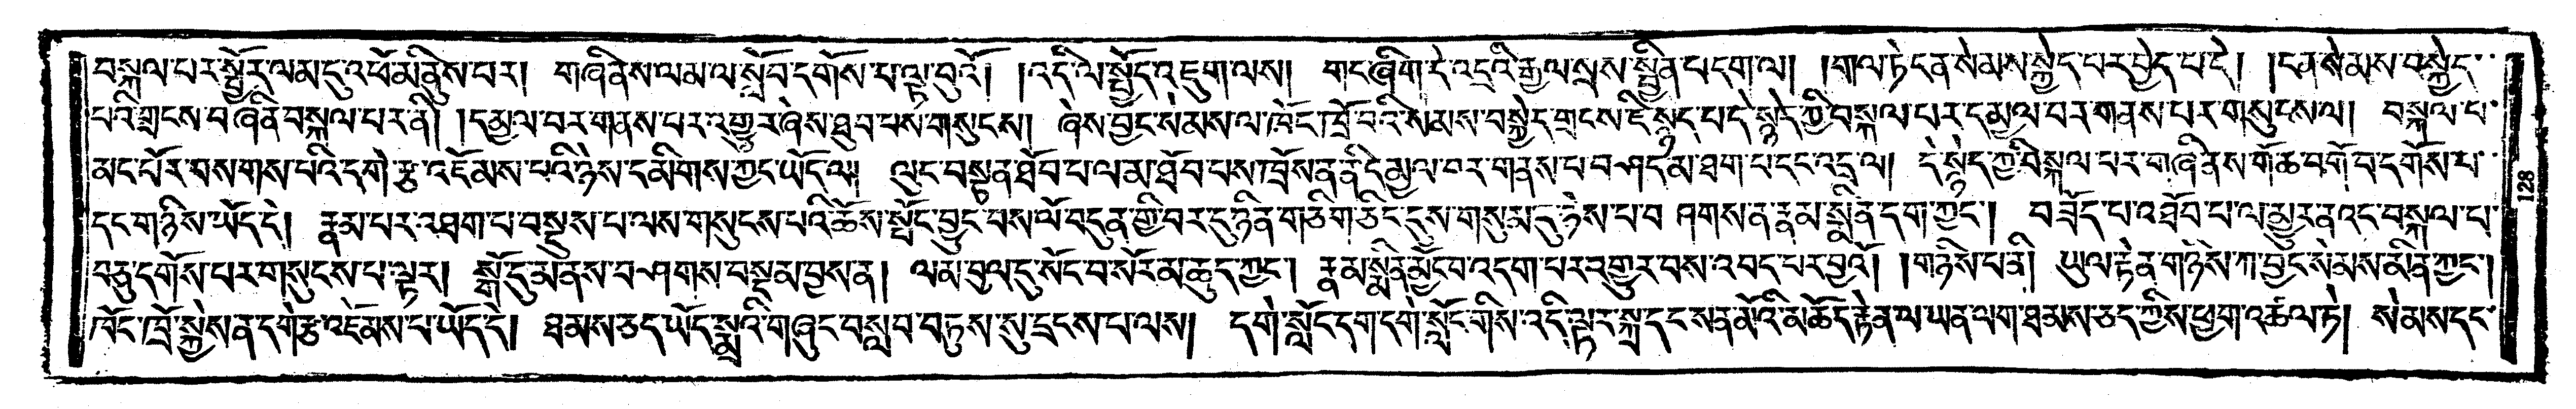བསྐལ་པར་སྦྱོར་ལམ་དུ་འཕོ་མི་ནུས་པར། གཞི་ནས་ལམ་ལ་སློབ་དགོས་པ་ལྟ་བུའོ། །འདི་ལ་སྤྱོད་འཇུག་ལས། གང་ཞིག་དེ་འདྲའི་རྒྱལ་སྲས་སྦྱིན་བདག་ལ། །གལ་ཏེ་ངན་སེམས་སྐྱེད་པར་བྱེད་པ་དེ། །ངན་སེམས་བསྐྱེད་
པའི་གྲངས་བཞིན་བསྐལ་པར་ནི། །དམྱལ་བར་གནས་པར་འགྱུར་ཞེས་ཐུབ་པས་གསུངས། ཞེས་བྱང་སེམས་ལ་ཁོང་ཁྲོ་བའི་སེམས་བསྐྱེད་གྲངས་ཇི་སྙེད་པ་དེ་སྙེད་ཀྱི་བསྐལ་པར་དམྱལ་བར་གནས་པར་གསུངས་ལ། བསྐལ་པ་
མང་པོར་བསགས་པའི་དགེ་རྩ་འཇོམས་པའི་ཉེས་དམིགས་ཀྱང་ཡོད་ལ། ལུང་བསྟན་ཐོབ་པ་ལ་མ་ཐོབ་པས་ཁྲོས་ན་ནི་དམྱལ་བར་གནས་པ་བཤད་མ་ཐག་པ་དང་འདྲ་ལ། དེ་སྙེད་ཀྱི་བསྐལ་པར་གཞི་ནས་གོ་ཆ་བགོ་བ་དགོས་པ་
དང་གཉིས་ཡོད་དེ། རྣམ་པར་འཐག་པ་བསྡུས་པ་ལས་གསུངས་པའི་ཆོས་སྤོང་བྱུང་བས་ལོ་བདུན་གྱི་བར་དུ་ཉིན་གཅིག་ཅིང་དུས་གསུམ་དུ་ཉེས་པ་བཤགས་ན་རྣམ་སྨིན་དག་ཀྱང་། བཟོད་པ་འཐོབ་པ་ལ་མྱུར་ནའང་བསྐལ་པ་
བཅུ་དགོས་པར་གསུངས་པ་ལྟར། སྒོ་དུ་མ་ནས་བཤགས་བསྡམ་བྱས་ན། ལམ་བུལ་དུ་སོང་བ་སོར་མ་ཆུད་ཀྱང་། རྣམ་སྨིན་མྱོང་བ་འདག་པར་འགྱུར་བས་འབད་པར་བྱའོ། །གཉིས་པ་ནི། ཡུལ་རྟེན་གཉིས་ཀ་བྱང་སེམས་མིན་ཀྱང་།
ཁོང་ཁྲོ་སྐྱེས་ན་དགེ་རྩ་འཇོམས་པ་ཡོད་དེ། ཐམས་ཅད་ཡོད་སྨྲའི་གཞུང་བསླབ་བཏུས་སུ་དྲངས་པ་ལས། དགེ་སློང་དག་དགེ་སློང་གིས་འདི་ལྟར་སྐྲ་དང་སེན་མོའི་མཆོད་རྟེན་ལ་ཡན་ལག་ཐམས་ཅད་ཀྱིས་ཕྱག་འཚལ་ཏེ། སེམས་དང་